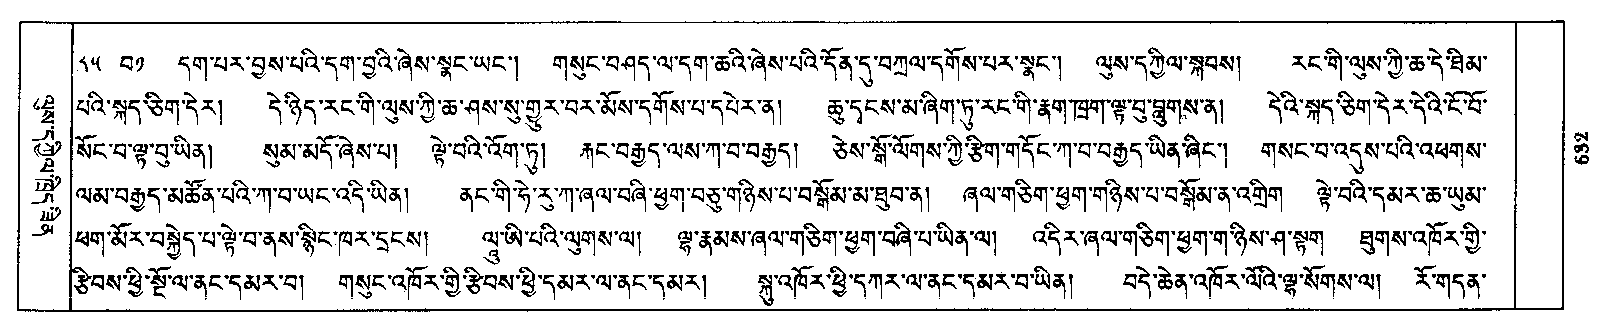༨༥་བ ༡་དག་པར་བྱས་པའི་དག་བྱའི་ཞེས་སྣང་ཡང་། གསུང་བཤད་ལ་དག་ཆའི་ཞེས་པའི་དོན་དུ་བཀྲལ་དགོས་པར་སྣང་། ལུས་དཀྱིལ་སྐབས། རང་གི་ལུས་ཀྱི་ཆ་དེ་ཐིམ་
པའི་སྐད་ཅིག་དེར། དེ་ཉིད་རང་གི་ལུས་ཀྱི་ཆ་ཤས་སུ་གྱུར་བར་མོས་དགོས་པ་དཔེར་ན། ཆུ་དྭངས་མ་ཞིག་ཏུ་རང་གི་རྣག་ཁྲག་ལྟ་བུ་བླུགས་ན། དེའི་སྐད་ཅིག་དེར་དེའི་ངོ་བོ་
སོང་བ་ལྟ་བུ་ཡིན། སུམ་མདོ་ཞེས་པ། ལྟེ་བའི་འོག་ཏུ། རྐང་བརྒྱད་ལས་ཀ་བ་བརྒྱད། ཅེས་སྒོ་ལོགས་ཀྱི་རྩིག་གདོང་ཀ་བ་བརྒྱད་ཡིན་ཞིང་། གསང་བ་འདུས་པའི་འཕགས་
ལམ་བརྒྱད་མཚོན་པའི་ཀ་བ་ཡང་འདི་ཡིན། ནང་གི་ཧེ་རུ་ཀ་ཞལ་བཞི་ཕྱག་བཅུ་གཉིས་པ་བསྒོམ་མ་ཐུབ་ན། ཞལ་གཅིག་ཕྱག་གཉིས་པ་བསྒོམ་ན་འགྲིག་ལྟེ་བའི་དམར་ཆ་ཡུམ་
ཕག་མོར་བསྐྱེད་པ་ལྟེ་བ་ནས་སྙིང་ཁར་དྲངས། ལཱུ་ཨི་པའི་ལུགས་ལ། ལྷ་རྣམས་ཞལ་གཅིག་ཕྱག་བཞི་པ་ཡིན་ལ། འདིར་ཞལ་གཅིག་ཕྱག་གཉིས་ཤ་སྟག་ཐུགས་འཁོར་གྱི་
རྩིབས་ཕྱི་སྔོ་ལ་ནང་དམར་བ། གསུང་འཁོར་གྱི་རྩིབས་ཕྱི་དམར་ལ་ནང་དམར། སྐུ་འཁོར་ཕྱི་དཀར་ལ་ནང་དམར་བ་ཡིན། བདེ་ཆེན་འཁོར་ལོའི་ལྷ་སོགས་ལ། རོ་གདན་